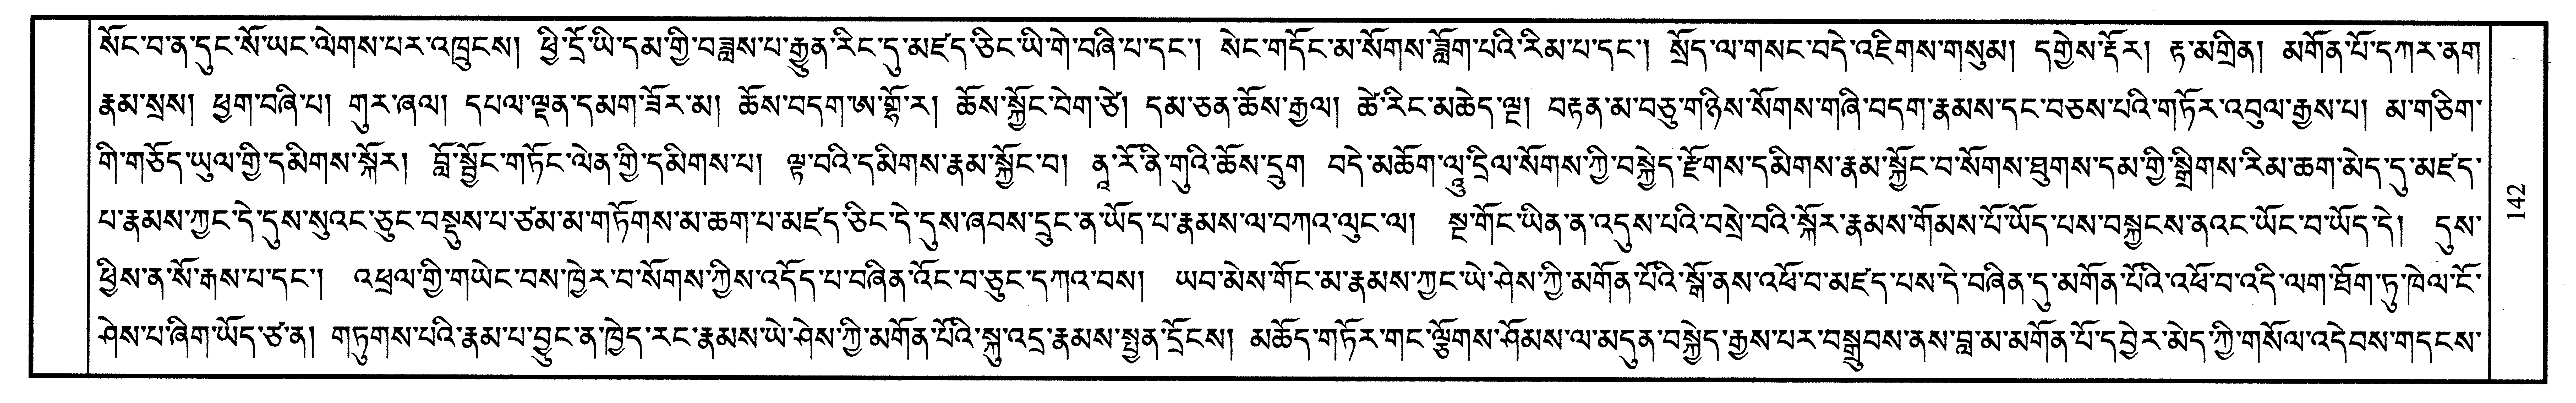སོང་བ་ན་དུང་སོ་ཡང་ལེགས་པར་འཁྲུངས། ཕྱི་དྲོ་ཡི་དམ་གྱི་བཟླས་པ་རྒྱུན་རིང་དུ་མཛད་ཅིང་ཡི་གེ་བཞི་པ་དང་། སེང་གདོང་མ་སོགས་ཟློག་པའི་རིམ་པ་དང་། སྲོད་ལ་གསང་བདེ་འཇིགས་གསུམ། དགྱེས་རྡོར། རྟ་མགྲིན། མགོན་པོ་དཀར་ནག་
རྣམ་སྲས། ཕྱག་བཞི་པ། གུར་ཞལ། དཔལ་ལྡན་དམག་ཟོར་མ། ཆོས་བདག་ཨ་གྷོ་ར། ཆོས་སྐྱོང་བེག་ཙེ། དམ་ཅན་ཆོས་རྒྱལ། ཚེ་རིང་མཆེད་ལྔ། བརྟན་མ་བཅུ་གཉིས་སོགས་གཞི་བདག་རྣམས་དང་བཅས་པའི་གཏོར་འབུལ་རྒྱས་པ། མ་གཅིག་
གི་གཅོད་ཡུལ་གྱི་དམིགས་སྐོར། བློ་སྦྱོང་གཏོང་ལེན་གྱི་དམིགས་པ། ལྟ་བའི་དམིགས་རྣམ་སྐྱོང་བ། ནཱ་རོ་ནི་གུའི་ཆོས་དྲུག་བདེ་མཆོག་ལཱུ་དྲིལ་སོགས་ཀྱི་བསྐྱེད་རྫོགས་དམིགས་རྣམ་སྐྱོང་བ་སོགས་ཐུགས་དམ་གྱི་སྒྲིགས་རིམ་ཆག་མེད་དུ་མཛད་
པ་རྣམས་ཀྱང་དེ་དུས་སུའང་ཅུང་བསྡུས་པ་ཙམ་མ་གཏོགས་མ་ཆག་པ་མཛད་ཅིང་དེ་དུས་ཞབས་དྲུང་ན་ཡོད་པ་རྣམས་ལ་བཀའ་ལུང་ལ། སྔ་གོང་ཡིན་ན་འདུས་པའི་བསྲེ་བའི་སྐོར་རྣམས་གོམས་པོ་ཡོད་པས་བསྐྱངས་ནའང་ཡོང་བ་ཡོད་དེ། དུས་
ཕྱིས་ན་སོ་རྒས་པ་དང་། འཕྲལ་གྱི་གཡེང་བས་ཁྱེར་བ་སོགས་ཀྱིས་འདོད་པ་བཞིན་འོང་བ་ཅུང་དཀའ་བས། ཡབ་མེས་གོང་མ་རྣམས་ཀྱང་ཡེ་ཤེས་ཀྱི་མགོན་པོའི་སྒོ་ནས་འཕོ་བ་མཛད་པས་དེ་བཞིན་དུ་མགོན་པོའི་འཕོ་བ་འདི་ལག་ཐོག་ཏུ་ཁེལ་ངོ་
ཤེས་པ་ཞིག་ཡོད་ཙ་ན། གཏུགས་པའི་རྣམ་པ་བྱུང་ན་ཁྱེད་རང་རྣམས་ཡེ་ཤེས་ཀྱི་མགོན་པོའི་སྐུ་འདྲ་རྣམས་སྤྱན་དྲོངས། མཆོད་གཏོར་གང་ལྕོགས་ཤོམས་ལ་མདུན་བསྐྱེད་རྒྱས་པར་བསྒྲུབས་ནས་བླ་མ་མགོན་པོ་དབྱེར་མེད་ཀྱི་གསོལ་འདེབས་གདངས་